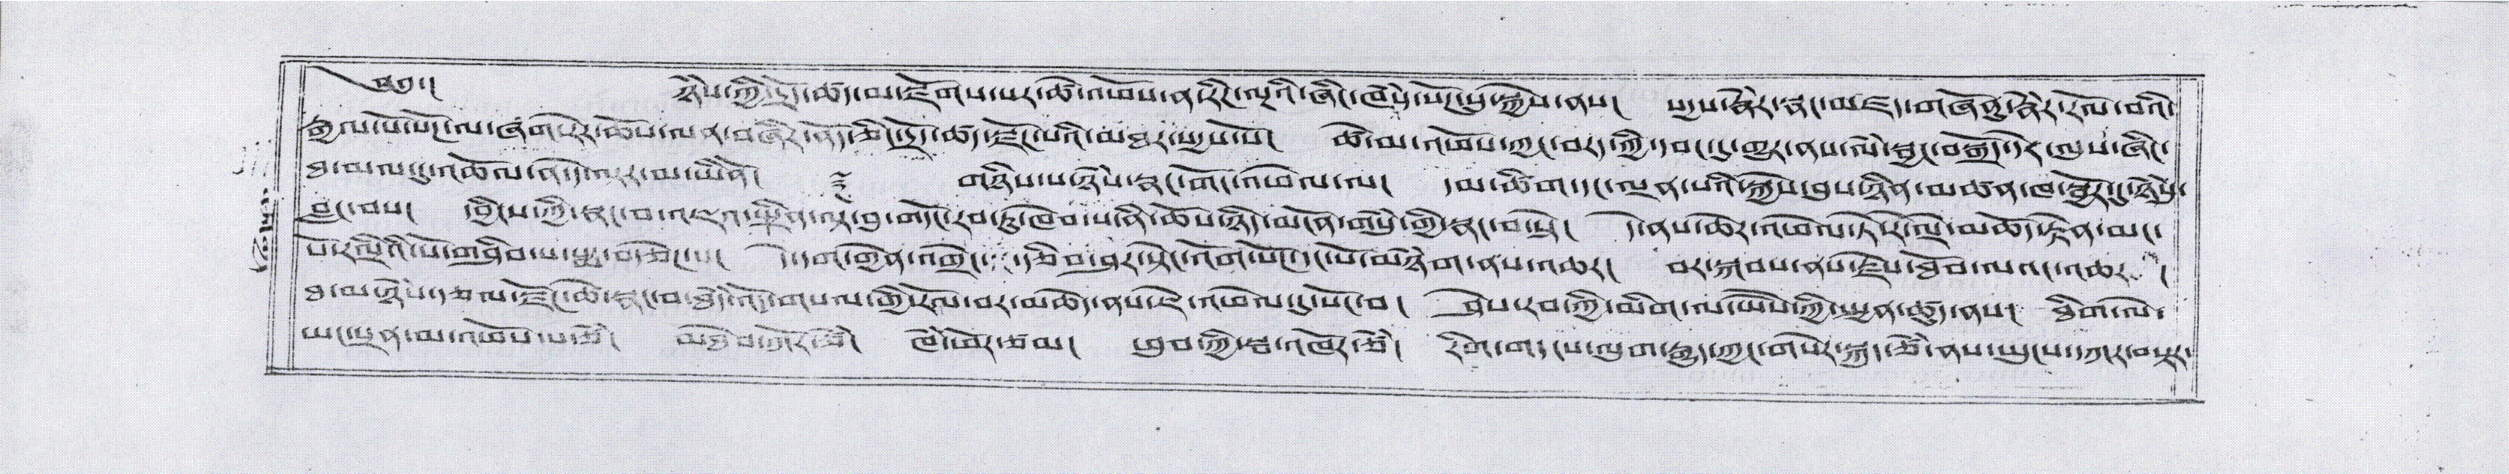ཉམས་ཀྱི་དྲོད་ཚད་མ་རྫོགས་པར་ཚེ་འཕོས་ན་རིགས་ལྔའི་ཞིང་ཁམས་སོགས་སུ་སྐྱེས་ནས། སངས་རྒྱས་རྣམ་པར་སྣང་མཛད་གཞོན་ནུ་རྣམ་པར་རོལ་བའི་
རྒྱལ་པོ་སོགས་ལ་ཞག་རེར་ཆོས་ལན་བཞིར་ནོད་ཅིང་དྲོད་ཚད་རྫོགས་པའི་མཐར་སངས་རྒྱས་སོ། ཚེ་མ་འཕོས་ཀྱང་བར་ཆད་ཀྱི་དབང་དུ་གྱུར་ནས་ལམ་སྦྱང་བསྒྲོད་དེར་ལུས་ཞིང་
ཐ་མལ་དུ་འཆོལ་ན་དེ་ལྟར་མ་ཡིན་ནོ། ༑ གཉིས་པ་ཉམས་སྣང་གོང་འཕེལ་ལ། དམ་ཚིག་དང་ལྡན་པའི་སྐྱེས་བུས་ཉིན་མཚན་ཁ་སྦྱོར་དུ་ཉམས་སུ་
བླང་བས། དབྱིངས་ཀྱི་སྣང་བ་འཇའ་སྤྲིན་ལྟ་བུ་གདོང་རབ་ཏུ་ཁེབ་པ་ནི་ཆོས་ཉིད་མངོན་གསུམ་གྱི་སྣང་བ་སྟེ། དེ་ནས་ཆེར་འཕེལ་ཏེ་རེ་ལྡེ་མཆོད་རྟེན་མང་
པོ་རལ་གྲིའི་སོ་གཤིབ་པ་པདྨ་བརྩེགས་པ། དེ་དག་གྱེན་འགྲེང་དང་རྩིབ་ཤར་སྟེང་འོག་སོགས་དང་པོ་མཉམ་བཞག་ནས་འཆར། བར་སྐབས་ནས་རྗེས་ཐོབ་ལའང་འཆར། 
ཐ་མ་ཉམས་རྩལ་རྫོགས་ཚེ་སྣང་བ་ཐམས་ཅད་འོད་གསལ་གྱི་རོལ་བར་མཆེད་ནས་ཇེ་འཕེལ་དུ་སོང་བ། ཤེས་རབ་ཀྱི་མིག་ལ་ཡེ་ཤེས་ཀྱི་སྤྱན་ཚུད་ནས། ཐིག་ལེ་
ཡང་སྲན་མ་འཕོས་པ་ཙམ། མཐེབ་ཀོར་ཙམ། ཁམ་ཕོར་ཙམ། ཕུབ་ཀྱི་སྦ་འཁོར་ཙམ། རིག་གདངས་ལུག་རྒྱུད་ཀྱང་གསེར་སྐུད་ཙམ་ནས་ཡུངས་དཀར་བསྟར་